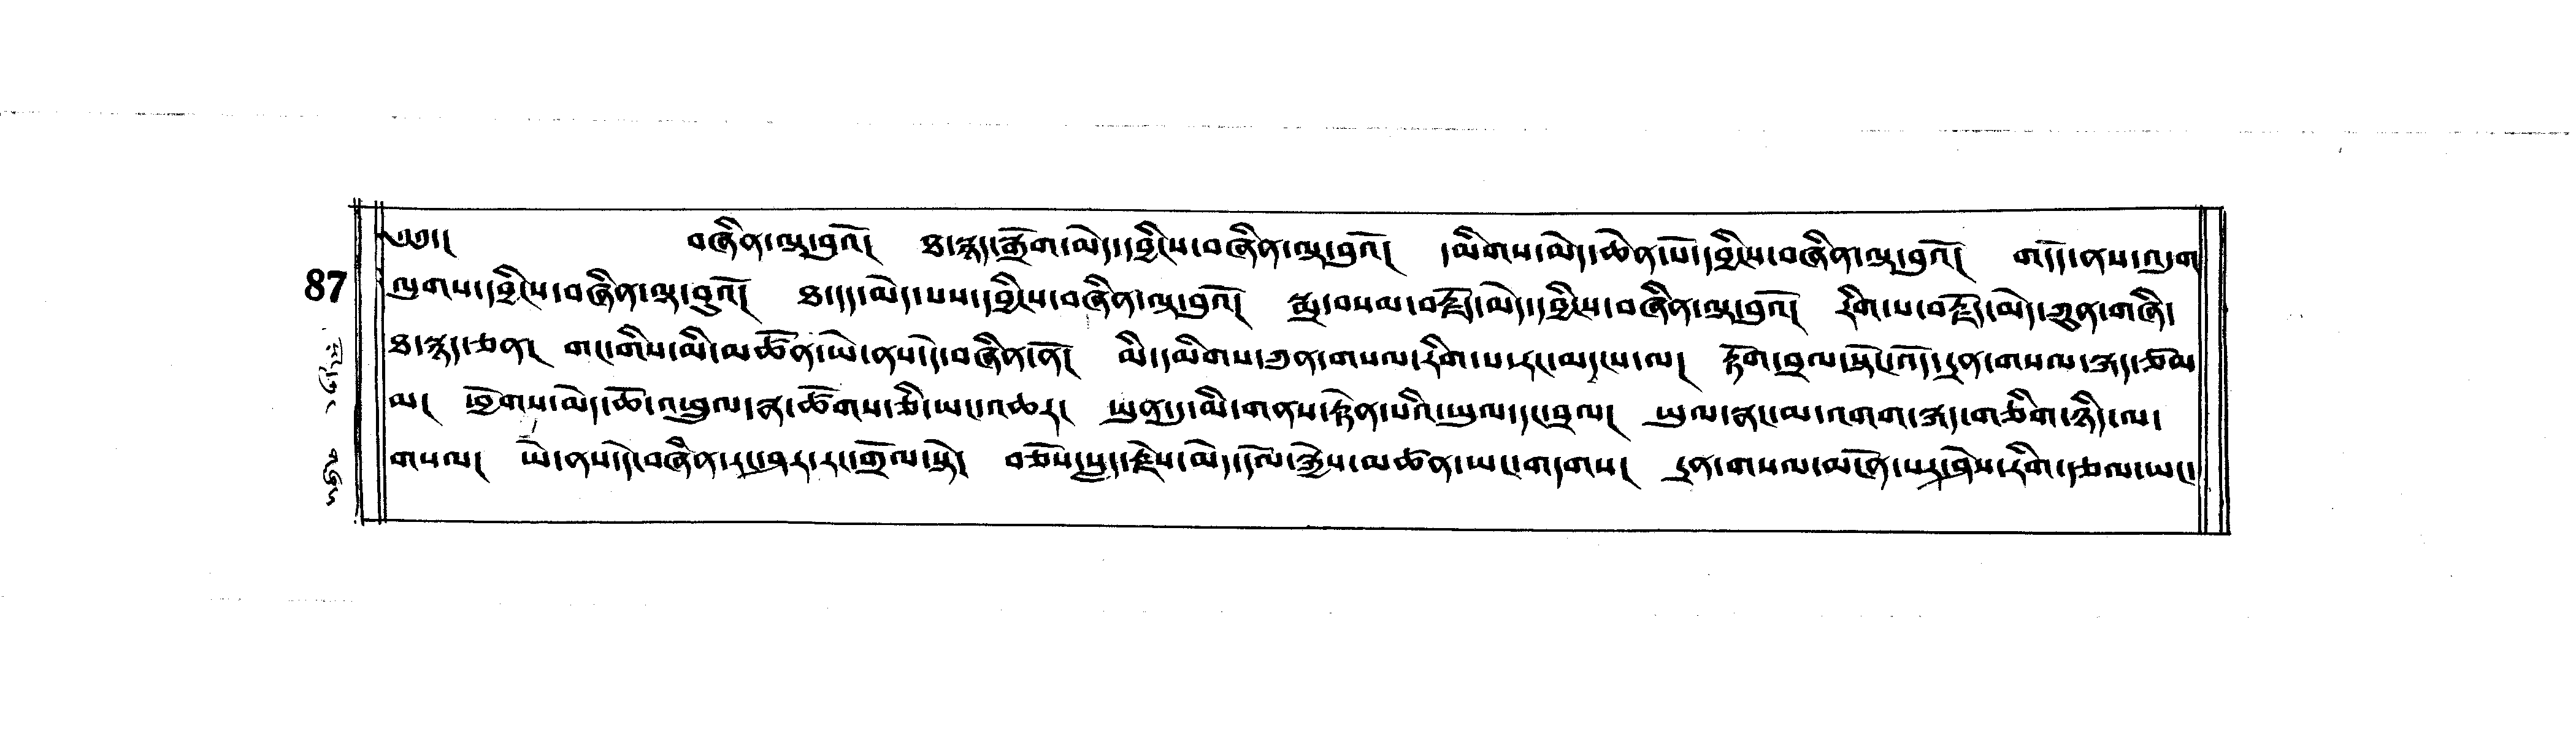བཞིན་ལྟ་བུའོ། ཐ་སྙད་སྒྲོག་མེད་དབྱིངས་བཞིན་ལྟ་བུའོ། དམིགས་མེད་ཆེན་པོ་དབྱིངས་བཞིན་ལྟ་བུའོ། གདོད་ནས་འདུག་
ལུགས་དབྱིངས་བཞིན་ལྟ་བུའོ། ཐ་དད་མེད་པས་དབྱིངས་བཞིན་ལྟ་བུའོ། སྨྲ་བསམ་བརྗོད་མེད་དབྱིངས་བཞིན་ལྟ་བུའོ། རིག་པ་བརྗོད་མེད་ཀུན་གཞི་
ཐ་སྙད་ཅན། གང་གིས་མི་མཚོན་ཡེ་ནས་དེ་བཞིན་ནོ། མི་དམིགས་ཀུན་གསལ་རིག་པ་རང་མདངས་ལ། རྟོག་བྲལ་སྟོང་འོད་དྲན་གསལ་སྐད་ཙམ་
མ། ཕྱོགས་མེད་ཆོ་འཕྲུལ་སྣ་ཚོགས་ཅིར་ཡང་འཆར། ཡུན་དུ་མི་གནས་བརྟེན་པའི་ཡུལ་དང་བྲལ། ཡུལ་སྣང་མ་འགག་སྐད་ཅིག་ཉིད་ལ་
གསལ། ཡེ་ནས་དེ་བཞིན་རང་ཤར་རང་གྲོལ་ཏེ། བཅོས་སླད་རྗེས་མེད་དོལ་སྐྱེས་མཚན་ཡང་གདགས། དྲན་གསལ་མངོན་པར་ཤེས་རིག་བཙལ་ཡང་